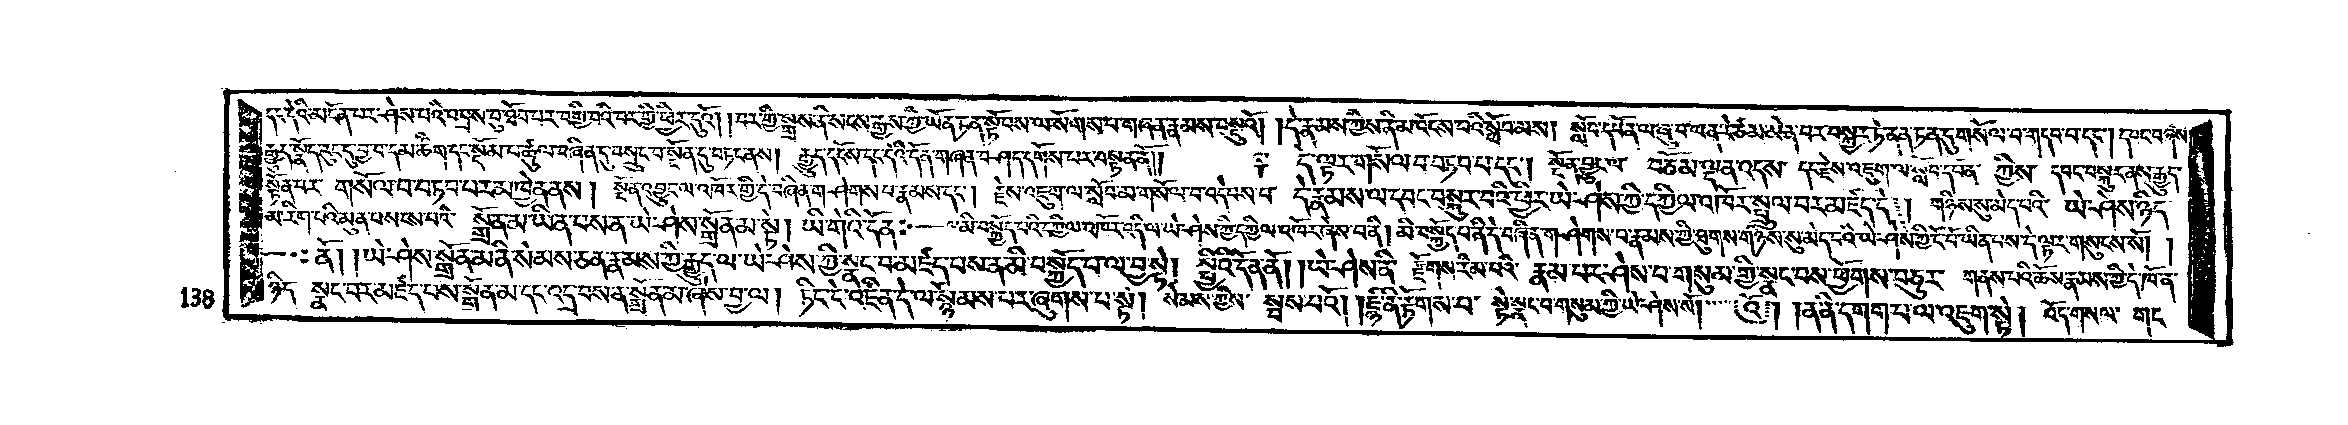དང་དེའི་མངོན་པར་ཤེས་པའི་འབྲས་བུ་ཐོབ་པར་བགྱི་བའི་བར་གྱི་ཕྱིར་དུའོ། །བར་གྱི་སྒྲས་ནི་སངས་རྒྱས་ཀྱི་ཡོན་ཏན་སྟོབས་ལ་སོགས་པ་གཞན་རྣམས་བསྡུའོ། །དེ་རྣམས་ཀྱིས་ནི་མ་འོངས་པའི་སློབ་མས། སློབ་དཔོན་ལ་ཞུ་བ་ལན་རེ་ཙམ་མིན་པར་བསྐྱར་ཏེ་ནན་ཏན་དུ་གསོལ་བ་གདབ་པ་དང་། དབང་བཞིས་
རྒྱུད་སྣོད་རུང་དུ་བྱ་བ་དམ་ཚིག་དང་སྡོམ་པ་ཚུལ་བཞིན་དུ་བསྲུང་བ་སྔོན་དུ་བཏང་ནས། རྒྱུད་དངོས་དང་དེའི་དོན་གཞན་བཤད་དགོས་པར་བསྟན་ནོ།། ༈ དེ་ལྟར་གསོལ་བ་བཏབ་པ་དང་། སྔོན་བྱུང་ལ་བཅོམ་ལྡན་འདས་དང་རྗེས་འཇུག་ལ་སློབ་དཔོན་ཀྱིས་དབང་བསྐུར་ནས་རྒྱུད་
སྟོན་པར་གསོལ་བ་བཏབ་པར་མཁྱེན་ནས། སྔོན་འབྱུང་ལ་འཁོར་གྱི་དེ་བཞིན་གཤེགས་པ་རྣམས་དང་། རྗེས་འཇུག་ལ་སློབ་མ་གསོལ་བ་འདེབས་པ་དེ་རྣམས་ལ་དབང་བསྐུར་བའི་ཕྱིར་ཡེ་ཤེས་ཀྱི་དཀྱིལ་འཁོར་སྤྲུལ་བར་མཛད་དེ། གཉིས་སུ་མེད་པའི་ཡེ་ཤེས་ཉིད་
མ་རིག་པའི་མུན་པ་སངས་པའི་སྒྲོན་མ་ཡིན་པས་ན་ཡེ་ཤེས་སྒྲོན་མ་སྟེ། ཡི་གེའི་དོན་༧་མི་བསྐྱོད་པའི་དཀྱིལ་འཁོར་འདི་ལ་ཡེ་ཤེས་ཀྱི་དཀྱིལ་འཁོར་ཞེས་པ་ནི། མི་བསྐྱོད་པ་ནི་དེ་བཞིན་གཤེགས་པ་རྣམས་ཀྱི་ཐུགས་གཉིས་སུ་མེད་པའི་ཡེ་ཤེས་ཀྱི་ངོ་བོ་ཡིན་པས་དེ་ལྟར་གསུངས་སོ། །
ནོ། །ཡེ་ཤེས་སྒྲོན་མ་ནི་སེམས་ཅན་རྣམས་ཀྱི་རྒྱུད་ལ་ཡེ་ཤེས་ཀྱི་སྣང་བ་མཛད་པས་ན་མི་བསྐྱོད་པ་ལ་བྱ་སྟེ། སྤྱིའི་དོན་ནོ། །ཡེ་ཤེས་ནི། རྫོགས་རིམ་པའི་རྣམ་པར་ཤེས་པ་གསུམ་གྱི་སྣང་བས་ཕྱོགས་བཅུར་གནས་པའི་ཆོས་རྣམས་ཀྱི་དེ་ཁོ་ན་
ཉིད་སྣང་བར་མཛད་པས་སྒྲོན་མ་དང་འདྲ་བས་ན་སྒྲོན་མ་ཞེས་བྱ་ལ། ཏིང་ངེ་འཛིན་དེ་ལ་སྙོམས་པར་ཞུགས་པ་སྟེ། སེམས་ཀྱིས་སྦས་པའོ། །ཛྙཱ་ནི་རྟོག་པ་སྟེ་སྣང་བ་གསུམ་གྱི་ཡེ་ཤེས་སོ། འོ། །ན་ནི་དགག་པ་ལ་འཇུག་སྟེ། འོད་གསལ་གང་